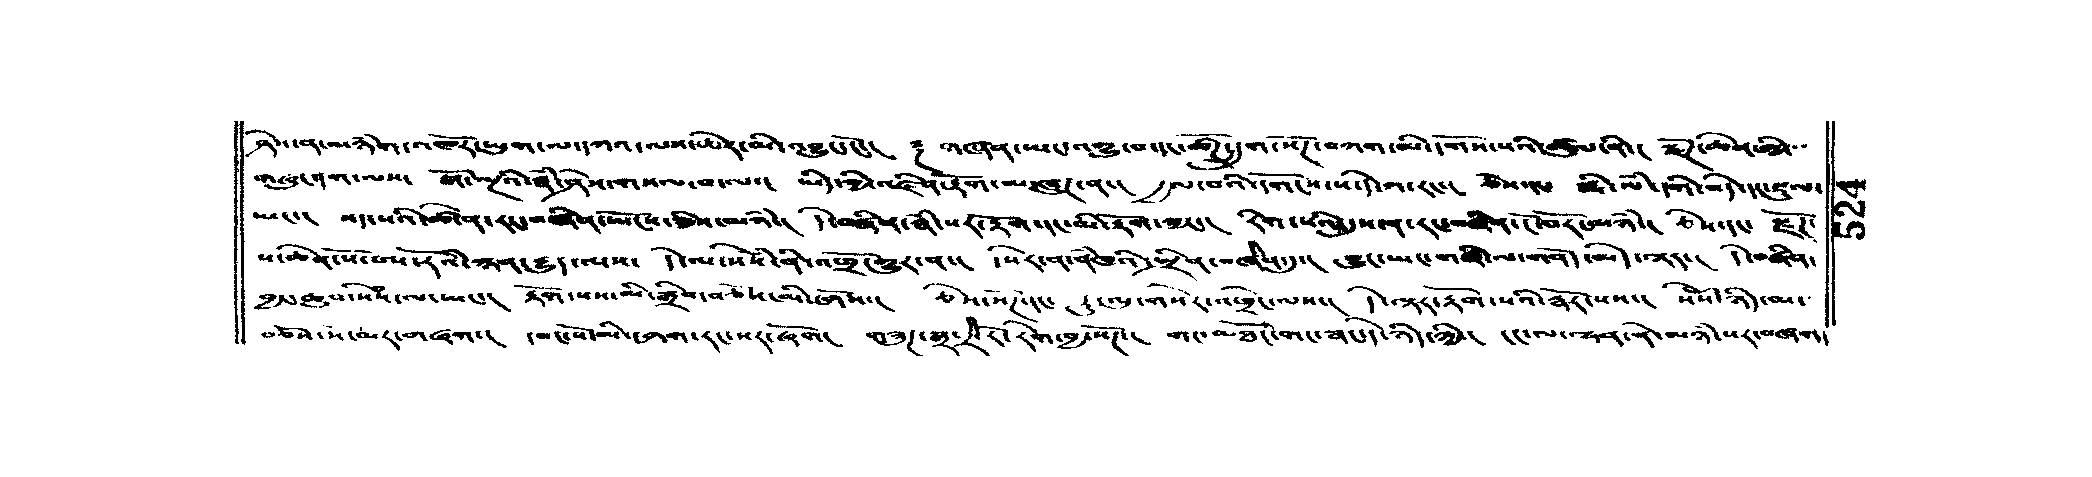ཤེས་ན་མཉམ་བཞག་འཁོར་ཡུག་ལ་དཀའ་ལས་ཆེར་མི་འབྱུང་ངོ་། གཞན་ཡང་འགྱུ་བ་དང་ཚོགས་དྲུག་སོགས་བཀའ་མི་དགོས་པའི་ཚུལ་ནི། རྫོགས་ཆེན་གྱི་
གཞུང་དག་ལས། སྒོ་ལྔའི་རྣམ་ཤེས་གསལ་བ་ལ། །ཡིད་ཀྱི་འཛིན་རྟོག་མ་ཞུགས་ན། །རྒྱལ་བའི་དགོངས་པ་དེ་ཀ་རང་། ཅེས་དང་། རྨི་ལམ་དག་ཏུ་བདེ་དང་སྡུག་བསྔལ་
ཡང་། །སད་པའི་ཚེ་ན་རང་བཞིན་ཡོངས་ཀྱིས་མཉམ། །དེ་བཞིན་རྣམ་པར་རྟོག་དང་མི་རྟོག་ཀྱང་། །རིག་པའི་དུས་ན་རང་བཞིན་ངོ་བོར་མཉམ། ཅེས་དང་། རྫོགས་
པ་ཆེན་པོ་ཨ་རོའི་སྙན་རྒྱུད་ལས། དེ་ལས་སེམས་ནི་འཕྲོ་གྱུར་ན། །དཔེར་ན་ནམ་མཁའི་སྤྲིན་བཞིན་དུ། །བྱུང་ཡང་གཞི་ལ་གནོད་མེད་ལྟར། །དེ་བཞིན་
བྱང་ཆུབ་སེམས་ལ་ཡང་། །རྟོག་པས་མི་སྒྲིབ་བཅོས་མི་དགོས། ཅེས་སོགས་དང་། རུ་ལུ་གསེར་འཕྲེང་ལས། དེ་ལྟར་རྟོགས་པའི་རྣལ་འབྱོར་པས། །སེམས་ཉིད་མ་
བཅོས་སོ་མར་གཞག །དབང་པོ་མི་དགག་རང་སར་ཞོག །གཟུགས་སྒྲ་དྲི་རོ་རེག་བྱ་སོགས། །གང་མཐོང་གང་སྣང་དེ་ཉིད་ཀྱི། །ངང་ལ་ལྷན་ནེ་མཉམ་པར་བཞག